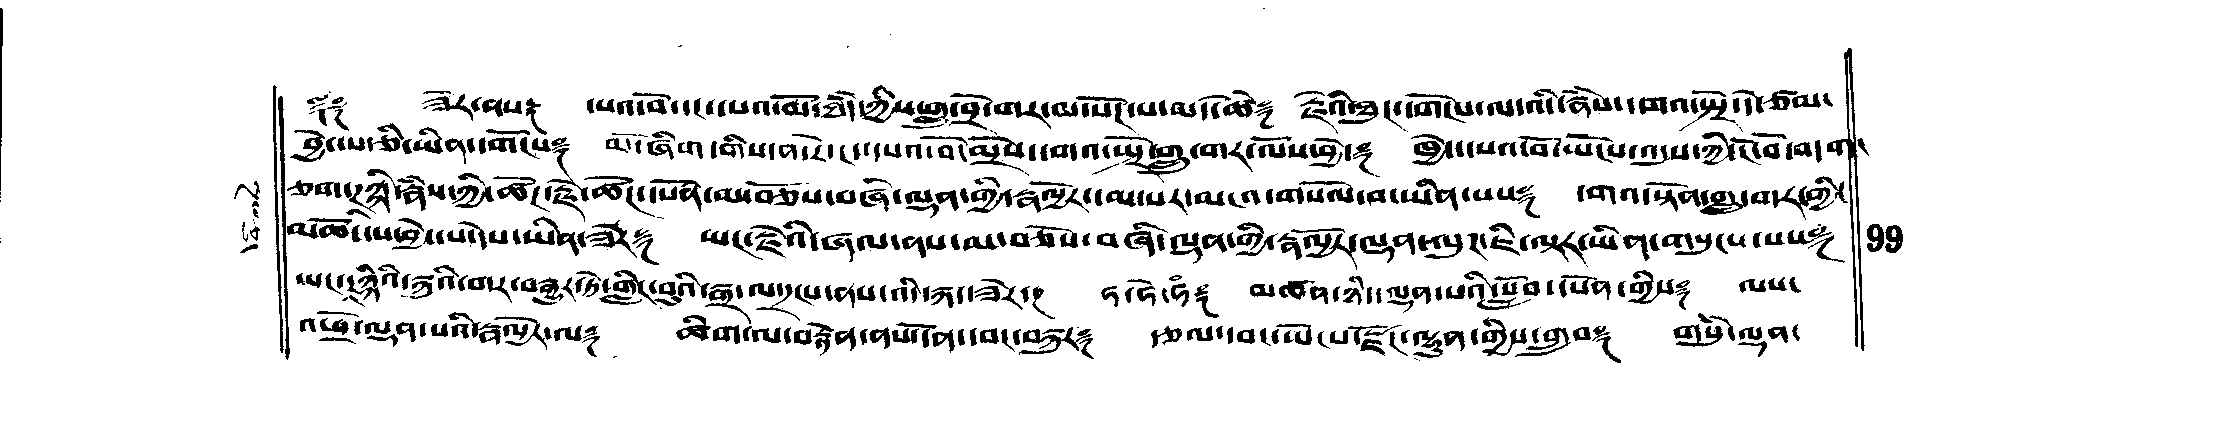ཟཻར་ནས། དཔའ་བོ་དང་དཔའ་མོ་ཐམས་ཅད་ཀྱིས་གླུ་བྲོ་གར་ལ་སོགས་པ་མཛད་ཚེ། རྗེའི་ཐུགས་དགོངས་ལ་འདི་རྣམས་དགའ་སྤྲོ་དེ་ཙམ་
བྱེད་པ་ཅི་ཡིན་དགོངས། མོ་ཞིག་གིས་ན་རེ་ང་དཔའ་བོ་མཁའ་འགྲོས་དགའ་སྤྲོ་གླུ་གར་ལོས་བྱེད། ཁྱེད་དཔའ་བོ་ཡོངས་འདུས་ཀྱི་ངོ་བོ་བདག་
ཅག་ཌཱཀྐི་རྣམས་ཀྱི་ཚོགས་རྗེ་ཚོགས་དཔོན་མ་བཅོས་བཞི་ལྡན་གྱི་རྣལ་འབྱོར་དམ་པར་མངའ་གསོལ་བ་ཡིན་པས། དགའ་སྟོན་གླུ་གར་གྱི་
མཆོད་པ་བྱེད་པ་དེས་ཡིན་ཟེར། ཡང་རྗེའི་ཞལ་ནས་མ་བཅོས་བཞི་ལྡན་གྱི་རྣལ་འབྱོར་ལྡན་ལུགས་ཇི་ལྟར་ཡིན་གསུངས་པས། 
ཡང་ཌཱཀྐིའི་སྐུའི་གར་བསྒྱུར་ཏེ་གླིང་བུའི་སྒྲ་ལ་དྲངས་ནས་འདི་སྐད་ཟེར། ཧ་ཧོ་ཧཾ། མཚན་ཉིད་ལྡན་པའི་སློབ་དཔོན་གྱིས། །ལས་
འཕྲོ་ལྡན་པའི་རྣལ་འབྱོར་ལ། །ཚིག་ལ་བརྟེན་ནས་དོན་དབང་བསྐུར། །རྩལ་དབང་ཡོངས་རྫོགས་ལྷུན་གྱིས་གྲུབ། །གསུམ་ལྡན་